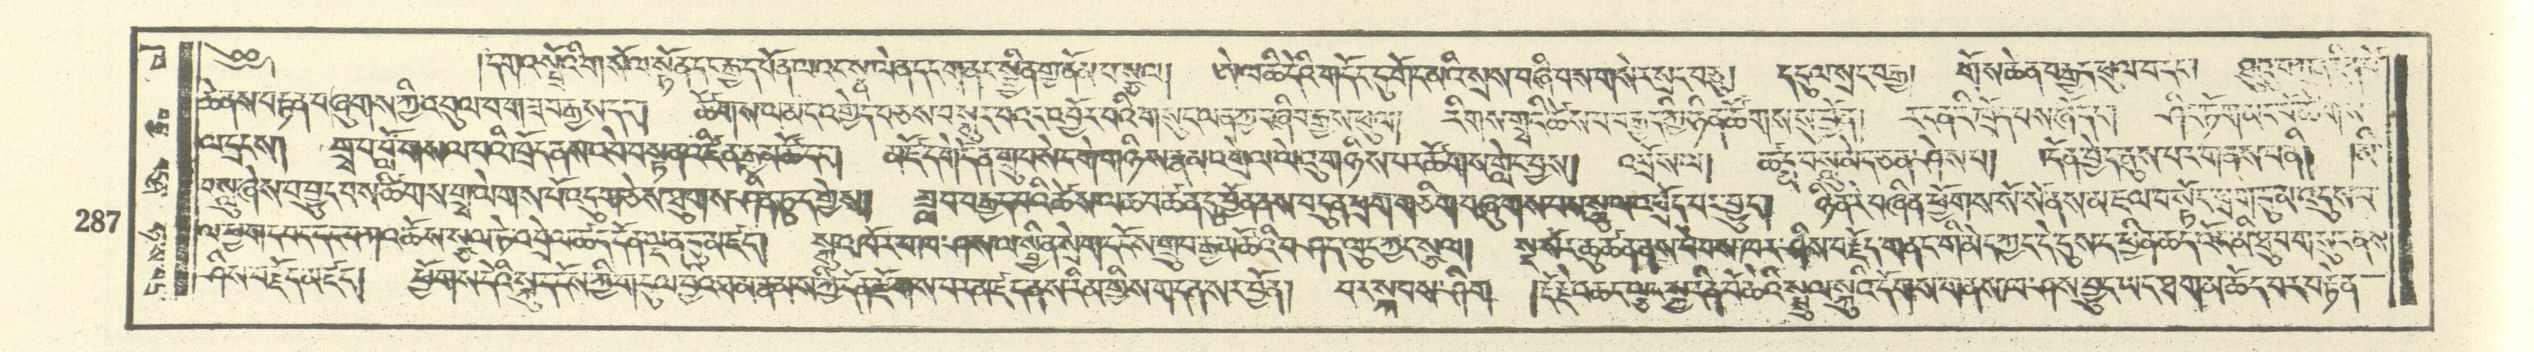༄༅། །དགའ་སྤྲོའི་གསོལ་སྟོན་དང་རྒྱ་དཔོན་ལའང་སྣ་ལེན་དང་གནང་སྦྱིན་གྱ་ནོམ་པ་སྩལ། ཨེལ་ཆི་དེའི་གདོང་དུ་གོང་མའི་སྲས་བཞི་པས་གསེར་སྲང་བཅུ། དངུལ་སྲང་བརྒྱ། གོས་ཆེན་བརྒྱད་ཕུལ་བ་དང་། ཐུའུ་བཀྭན་རིན་པོ་
ཆེ་ནས་བརྟན་བཞུགས་ཀྱི་འབུལ་བ་གཟབ་རྒྱས་དང་། ཚོགས་ལ་མང་འགྱེད་བཅས་བསྐུར་བའང་འབྱོར་བའི་གསུང་ལན་ཀྱང་ཞིབ་རྒྱས་ཕུལ། རིགས་གྲྭའི་ཚེས་བ་བརྒྱད་ཀྱི་ཉིན་ཚོགས་སུ་བྱོན། ར་ངན་རི་ཁྲོད་པས་ཞོ་དང་། ཤིང་ཏོག་མང་པོ་ཚོགས་
ལ་དྲངས། གྲྭ་པ་བློ་གསལ་བའི་ཁྲོད་ནས་འབེ་བསྟན་འཛིན་རྒྱ་མཚོ་དང་། མཛོ་དགེ་དོན་གྲུབ་སེང་གེ་གཉིས་རྣམ་འགྲེལ་ལེའུ་གཉིས་པར་ཚོགས་གླེང་བྱས། འཕྲོས་ལ། ཚང་མ་བསླུ་མེད་ཅན་ཤེས་པ། །དོན་བྱེད་ནུས་པར་གནས་པ་ནི། །མི་
པ་སླུ་ཞེས་བ་བྱུང་བས་ཚིགས་གྲྭ་ལེགས་པོ་འདུག་ཅེས་ཐུགས་ཤིན་ཏུ་དགྱེས། ཟླ་བ་བརྒྱད་པའི་ཚེས་ལ་ཆབ་ཚན་དུ་བྱོན་ནས་བདུན་ཕྲག་གཅིག་བཞུགས་པས་སྐུ་ལ་འཕྲོད་པར་བྱུང་། ཉིན་རེ་བཞིན་ཕྱོགས་སོ་སོ་ནས་མཇལ་བ་སྟོང་ཕྲག་དུ་མ་འདུས་བ་
ལ་ཕྱག་དབང་དང་བཀའ་ཆོས་སྩལ་ཏེ་འབྲེལ་ཚད་དོན་ལྡན་དུ་མཛད། སྐུ་འཁོར་བ་ཁ་ཤས་ལ་སྦྱིན་སྲེག་དངོས་གྲུབ་རྒྱ་མཚོའི་བཤད་ལུང་ཀྱང་སྩལ། སྔ་སོར་ཆུ་ཚན་ནས་ཕེབས་ཁར་ཤིས་བརྗོད་གནང་གི་མེད་ཀྱང་དེ་དུས་ད་ཕྱིན་ཆད་འོང་མི་ཐུབ་གསུང་ནས་
ཤིས་བརྗོད་མཛད། ཕྱོགས་དེའི་སྐུ་དངོས་ཀྱི་གདུལ་བྱའི་ཐམ་རྣམས་ཀྱི་དོན་རྫོགས་པར་མཛད་ནས་རིམ་གྱིས་གདན་སར་བྱོན། བར་སྐབས་ཤིག །རྡོ་རྗེ་འཆང་ལྕང་སྐྱ་རིན་པོ་ཆེའི་སྤྲུལ་སྐུའི་དོགས་གནས་ཁ་ཤས་བྱུང་ཡང་ཐག་མ་ཆོད་པར་བརྟེན་